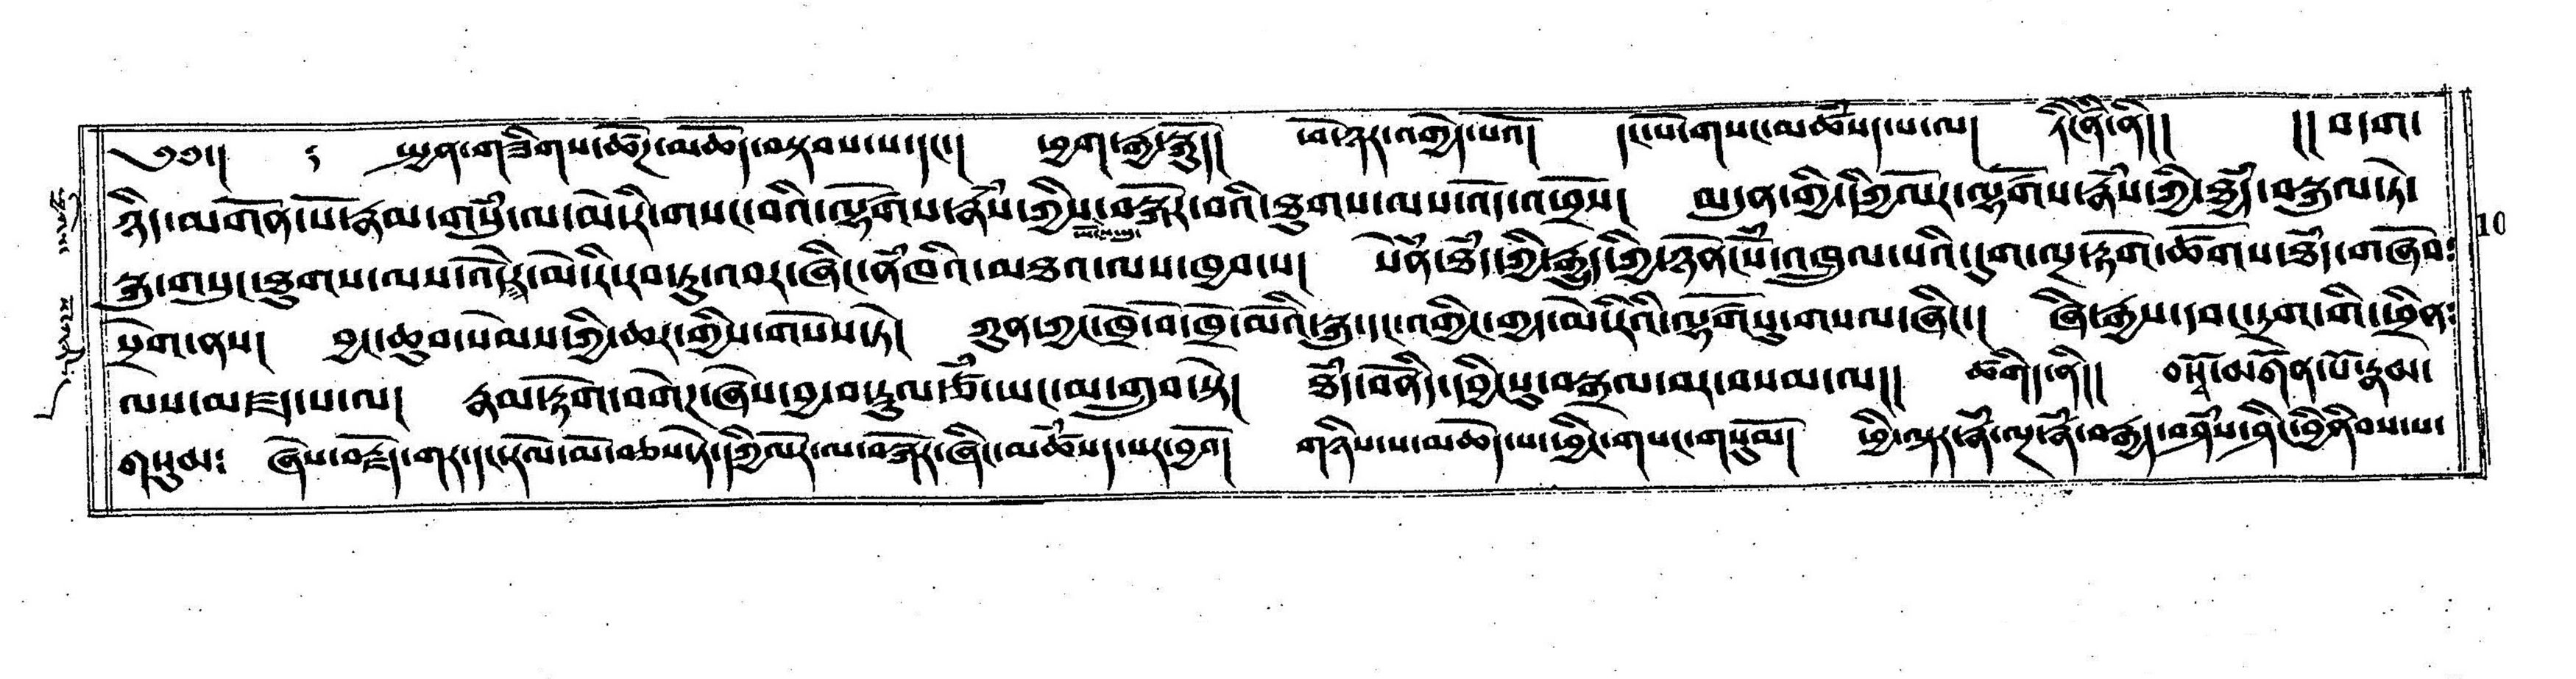སྤྱན་གཟིགས་ཚོགས་མཆོད་བསྟབས་པ་དང་། ཕྱག་རྒྱ་སྐུ་བསྟོད། ཕོ་ཉར་འགྱེད་པའོ། དང་པོ་གསང་མཚམས་བཅད་པ་ལ། ཏིང་ངེ་འཛིན་ནི།། །།བདག་
ཉིད་མགོན་པོ་རྣམ་གསུམ་ལ་མེ་རི་གསང་བའི་ལྷ་ཚོགས་རྣམས་ཀྱིས་ཡོངས་སུ་བསྐོར་བའི་ཐུགས་ལས་འོད་འཕྲོས། མདུན་གྱི་དཀྱིལ་འཁོར་ལྷ་ཚོགས་རྣམས་ཀྱི་ཐུགས་དམ་བསྐུལ་ཏེ། 
སྐུ་གསུང་ཐུགས་ལས་འོད་ཟེར་མེ་རི་རབ་ཏུ་འབར་ཞིང་ནམ་མཁའི་མཐའ་ལས་ཁྱབ་པ། སེམས་ཅན་ཐམས་ཅད་ཀྱི་རྒྱུད་ཀྱི་ཉོན་མོངས་འཁྲུལ་པའི་དུག་ལྔ་རྟོག་ཚོགས་ཐམས་ཅད་གཞོབ་
སྲེག་ནས། བྱང་ཆུབ་སེམས་ཀྱི་ཆར་གྱིས་གསོས་ཏེ། ཀུན་ཀྱང་ཁྲོ་བོ་ཁྲོ་མོའི་སྐུ་དང་འགྱིང་གྱད་མེ་རིའི་ལྷ་ཚོགས་སུ་གསལ་ཞིང་། ཞི་རྒྱས་དབང་དྲག་གི་ཕྲིན་
ལས་མཛད་པ་ལ། རྣམ་རྟོག་བགེགས་ཞེས་བྱ་བ་རྡུལ་ཙམ་ཡང་མ་གྲུབ་སྟེ། ཐམས་ཅད་བོན་ཉིད་དབྱིངས་སུ་བསྒྲལ་བར་བསམ་ལ།། ཚིག་བཤད་ནི།། བསྭོ་མགོན་པོ་རྣམ་
གསུམ༴ ཞེས་བརྗོད་གར་དང་རོལ་མོ་བཅས་ཏེ་དཀྱིལ་འཁོར་ལ་བསྐོར་ཞིང་མཚམས་བཅད་པར་བྱའོ། གཉིས་པ་མཆོད་པ་ཕྱི་ནང་གསང་གསུམ་མོ། ཕྱི་ལྟར་རྣམ་ལྔ་རྣམ་བརྒྱད་བཤམས་ཤིང་བྱིན་གྱིས་བརླབས་པ་